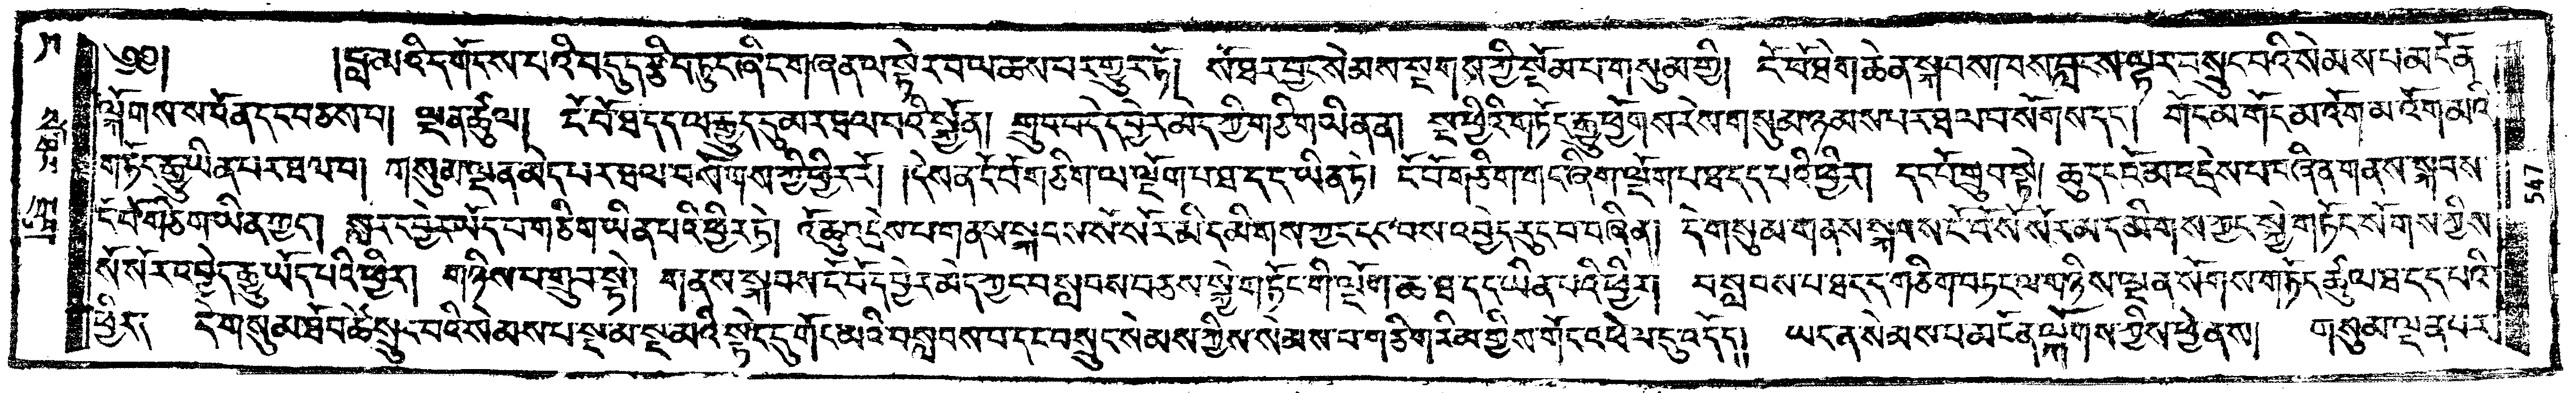༄༅། །བླ་མའི་དགོངས་པའི་བདུད་རྩི་བཏུང་ཞིང་གཞན་ལ་སྟེར་བ་ལ་ཆས་པར་གྱུར་ཏོ། སོ་ཐར་བྱང་སེམས་སྔགས་ཀྱི་སྔོམ་པ་གསུམ་གྱི། ངོ་བོ་ཐེག་ཆེན་སྐབས་ཁས་བླངས་ལྟར་བསྲུང་བའི་སེམས་པ་མངོན་
ལྐོགས་ས་བོན་དང་བཅས་པ། ལྡན་ཚུལ། ངོ་བོ་ཐ་དད་ལ་རྒྱུད་དུ་མར་ཐལ་བའི་སྐྱོན། གྲུབ་བདེ་དབྱེར་མེད་ཀྱི་གཅིག་ཡིན་ན། སྔ་ཕྱིའི་གཏོང་རྒྱུ་ཕྱོགས་རེས་གསུམ་ཉམས་པར་ཐལ་བ་སོགས་དང་། གོང་མ་གོང་མ་འོག་མ་འོག་མའི་
གཏོང་རྒྱུ་ཡིན་པར་ཐལ་བ། གསུམ་ལྡན་མེད་པར་ཐལ་བ་སོགས་ཀྱི་ཕྱིར་རོ། །དེས་ན་ངོ་བོ་གཅིག་ལ་ལྡོག་པ་ཐ་དད་ཡིན་ཏེ། ངོ་བོ་གཅིག་གང་ཞིག་ལྡོག་པ་ཐ་དད་པའི་ཕྱིར། དང་པོ་གྲུབ་སྟེ། ཆུ་དང་འོ་མ་འདྲེས་པ་བཞིན་གནས་སྐབས་
ངོ་བོ་གཅིག་ཡིན་ཀྱང་། སླར་དབྱེར་ཡོད་པ་གཅིག་ཡིན་པའི་ཕྱིར་ཏེ། འོ་ཆུ་འདྲེས་པ་གནས་སྐབས་སོ་སོར་མི་དམིགས་ཀྱང་ངང་བས་འབྱེད་རུང་བ་བཞིན། དེ་གསུམ་གནས་སྐབས་ངོ་བོ་སོ་སོར་མ་དམིགས་ཀྱང་སྐྱེ་གཏོང་སོགས་ཀྱིས་
སོ་སོར་འབྱེད་རྒྱུ་ཡོད་པའི་ཕྱིར། གཉིས་པ་གྲུབ་སྟེ། གནས་སྐབས་ངོ་བོ་དབྱེར་མེད་ཀྱང་བསླབས་བཅས་སྐྱེ་གཏོང་གི་ལྡོག་ཆ་ཐ་དད་ཡིན་པའི་ཕྱིར། བསླབས་པ་ཐ་དད་གཅིག་བཏང་ལ་གཉིས་ལྡན་སོགས་གཏོང་ཚུལ་ཐ་དད་པའི་
ཕྱིར༑ དེ་གསུམ་ཐོབ་ཚེ་སྲུང་བའི་སེམས་པ་སྔ་མ་སྔ་མའི་སྟེང་དུ་གོང་མའི་བསླབས་པ་དང་བསྲུང་སེམས་ཀྱིས་སེམས་པ་གཅིག་རིམ་གྱིས་གོང་འཕེལ་དུ་འདོད། ཡང་ན་སེམས་བ་མངོན་ལྐོགས་ཀྱིས་ཕྱེ་ནས། གསུམ་ལྡན་པར་